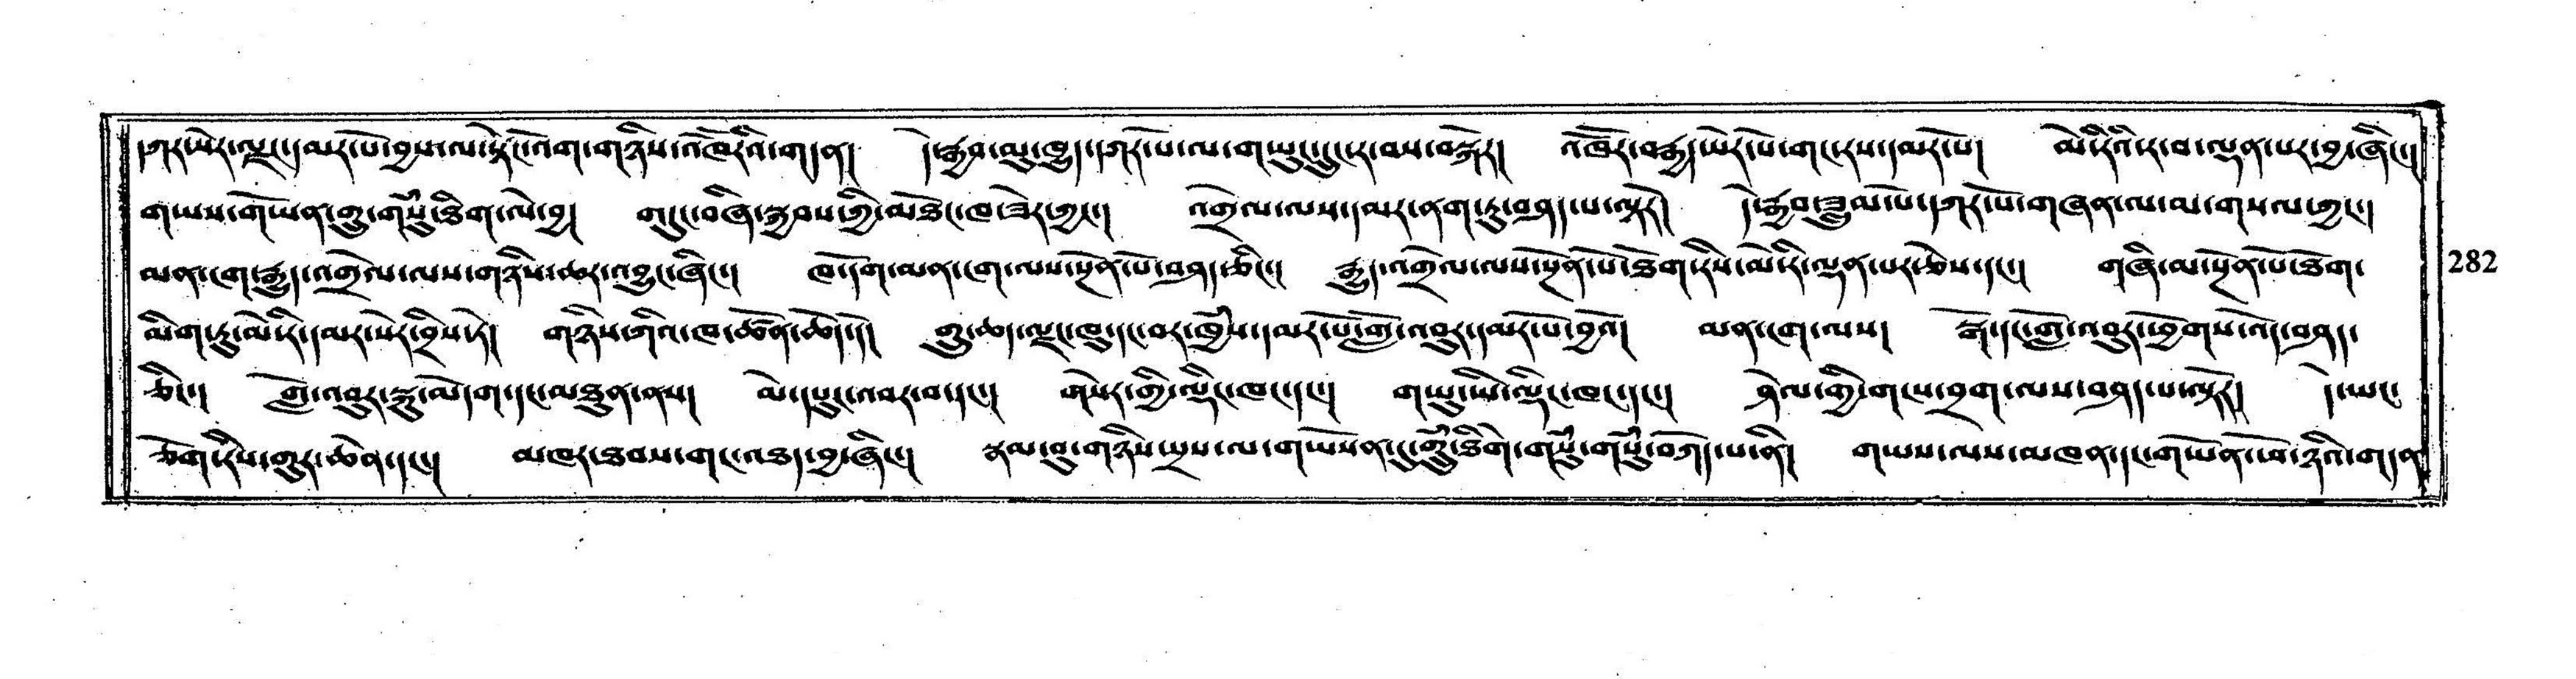དཀར་སེར་ལྗང་དམར་པོ་བྱས་ལ་སྟེང་འོག་གཉིས་འཁོར་ལོའི་གདན། དེ་རྒྱབ་མུ་ཁྱུད་དཀར་པོ་ལ་གཡུང་དྲུང་ར་བས་བསྐོར། འཁོར་ལོ་བརྒྱད་སེར་པོ་གང་རས་དམར་པོ། མེ་རིའི་ར་བ་ལྡན་པར་བྱ་ཞིང་། 
གཡས་གཡོན་གྲུ་གསུམ་ཐིག་ལེ་བྱ། གདུང་བཞི་སྐྱབས་ཀྱི་མཐོང་ཁ་ཟེར་ཀྱང་། འགྲེལ་ལས་དམར་ནག་ཏུ་བཤད་པ་ལྟར་རོ། དེ་རྒྱབ་ཟླུམ་པོ་དཀར་པོ་གཞན་ལ་མ་གསལ་ཀྱང་། 
མན་ངག་རྒྱུད་འགྲེལ་ལས་གཉིས་ཆར་འབྱུང་ཞིང་། ཁ་དོག་མན་ངག་ལས་སྔོན་པོ་བཤད་ཅིང་། རྒྱུད་འགྲེལ་ལས་སྔོན་པོ་ཐོག་རིས་མེ་རི་ལྡན་པར་ཅེས་དང་། གཞི་མ་སྔོན་པོ་ཐོག་
མིག་ཏུ་མེ་རི་དམར་སེར་བྲིས་ཏེ། གཉིས་ཀའི་ཁ་ཚོན་ཆོད་དོ། གྲུ་ཆད་ལྗང་ཁུ་དང་བར་ཁྱམས་དམར་པོ་གློ་འབུར་དམར་པོ་བྱའོ། མན་ངག་ལས། སྒོ་དང་གློ་འབུར་ཕྱོགས་འོད་བཤད་
ཅིང་། གློ་འབུར་སྐུ་མདོག་དང་མཐུན་ནས། མེ་དཔུང་འབར་བ་དང་། གསེར་གྱི་ལྡིང་ཁང་དང་། གཡུ་ཡི་ལྡིང་ཁང་དང་། ཤེལ་གྱི་གངས་བྲག་ལས་བཤད་པ་ལྟར་རོ། དེ་ཡང་
ཅོག་རིས་གུར་ཆེན་དང་། མཁར་ཐབས་གང་འཐད་བྱ་ཞིང་། སྣམ་བུ་གཉིས་སྲས་ལ་གཡས་གཡོན་དུ་གྲུ་གསུམ་ཐིག་ལེ་གསུམ་གསུམ་བཀོད་པ་ནི། གཡས་ལས་མཁན་དང་གཡོན་ཕོ་ཉའི་གདན་